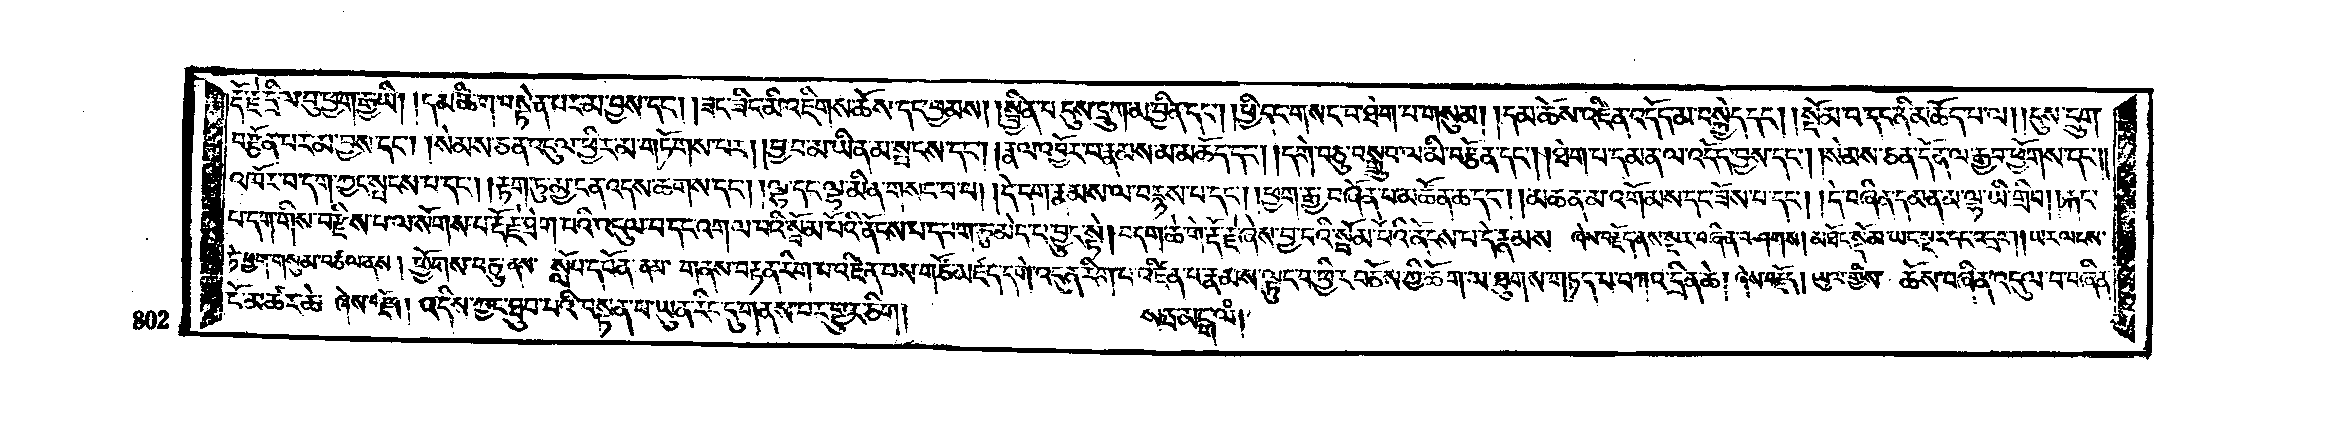རྡོ་རྗེ་དྲིལ་བུ་ཕྱག་རྒྱ་ཡི། །དམ་ཚིག་བསྟེན་པར་མ་བྱས་དང་། །ཟང་ཟིང་མི་འཇིགས་ཆོས་དང་བྱམས། །སྦྱིན་པ་དུས་དྲུག་མ་བྱིན་དང་། །ཕྱི་དང་གསང་བ་ཐེག་པ་གསུམ། །དམ་ཆོས་འཛིན་འདོད་མ་བསྐྱེད་དང་། །སྡོམ་པ་དང་ནི་མཆོད་པ་ལ། །དུས་དྲུག་
བརྩོན་པར་མ་བྱས་དང་། །སེམས་ཅན་འདུལ་ཕྱིར་མ་གཏོགས་པར། །བྱ་བ་མ་ཡིན་མ་སྤངས་དང་། །རྣལ་འབྱོར་པ་རྣམས་མ་མཆོད་དང་། །དགེ་བཅུ་བསྒྲུབ་ལ་མི་བརྩོན་དང་། །ཐེག་པ་དམན་ལ་འདོད་བྱས་དང་། །སེམས་ཅན་དོན་ལ་རྒྱབ་ཕྱོགས་དང་། །
འཁོར་བ་དག་ཀྱང་སྤངས་པ་དང་། །རྟག་ཏུ་མྱ་ངན་འདས་ཆགས་དང་། །ལྷ་དང་ལྷ་མིན་གསང་བ་པ། །དེ་དག་རྣམས་ལ་བརྙས་པ་དང་། །ཕྱག་རྒྱ་བཞོན་པ་མཚོན་ཆ་དང་། །མཚན་མ་འགོམས་དང་ཟོས་པ་དང་། །དེ་བཞིན་དམན་མ་ལྷ་ཡི་གྲིབ། །རྐང་
པ་དག་གིས་བརྫིས་པ་ལ་སོགས་པ་རྡོ་རྗེ་ཐེག་པའི་འདུལ་བ་དང་འགལ་བའི་སྦོམ་པོའི་ནོངས་པ་དཔག་ཏུ་མེད་པ་བྱུང་སྟེ། བདག་ཆེ་གེ་རྡོ་རྗེ་ཞེས་བྱ་བའི་སྦོམ་པོའི་ནོངས་པ་དེ་རྣམས་ཞེས་བརྗོད་ནས་སྔར་བཞིན་བཤགས། མཐོང་སྡོམ་ཡང་སྔར་དང་འདྲའོ། །ཡར་ལངས་
ཏེ་ཕྱག་གསུམ་བཙལ་ནས། ཕྱོགས་བཅུ་ནས་སློབ་དཔོན་ནམ་གནས་བརྟན་རིག་པ་འཛིན་པས་གཙོ་མཛད་དགེ་འདུན་རིག་པ་འཛིན་པ་རྣམས་ལྟུང་བ་ཕྱིར་བཅོས་ཀྱི་ཆོ་ག་ལ་ཐུགས་གཏད་པ་བཀའ་དྲིན་ཆེ། ཞེས་བརྗོད། ཡུལ་གྱིས་ཆོས་བཞིན་འདུལ་བ་བཞིན་
ངོ་མཚར་ཆེ་ཞེས་བརྗོད།  འདིས་ཀྱང་ཐུབ་པའི་བསྟན་པ་ཡུན་རིང་དུ་གནས་པར་གྱུར་ཅིག །སརྦ་མངྒ་ལཾ།།